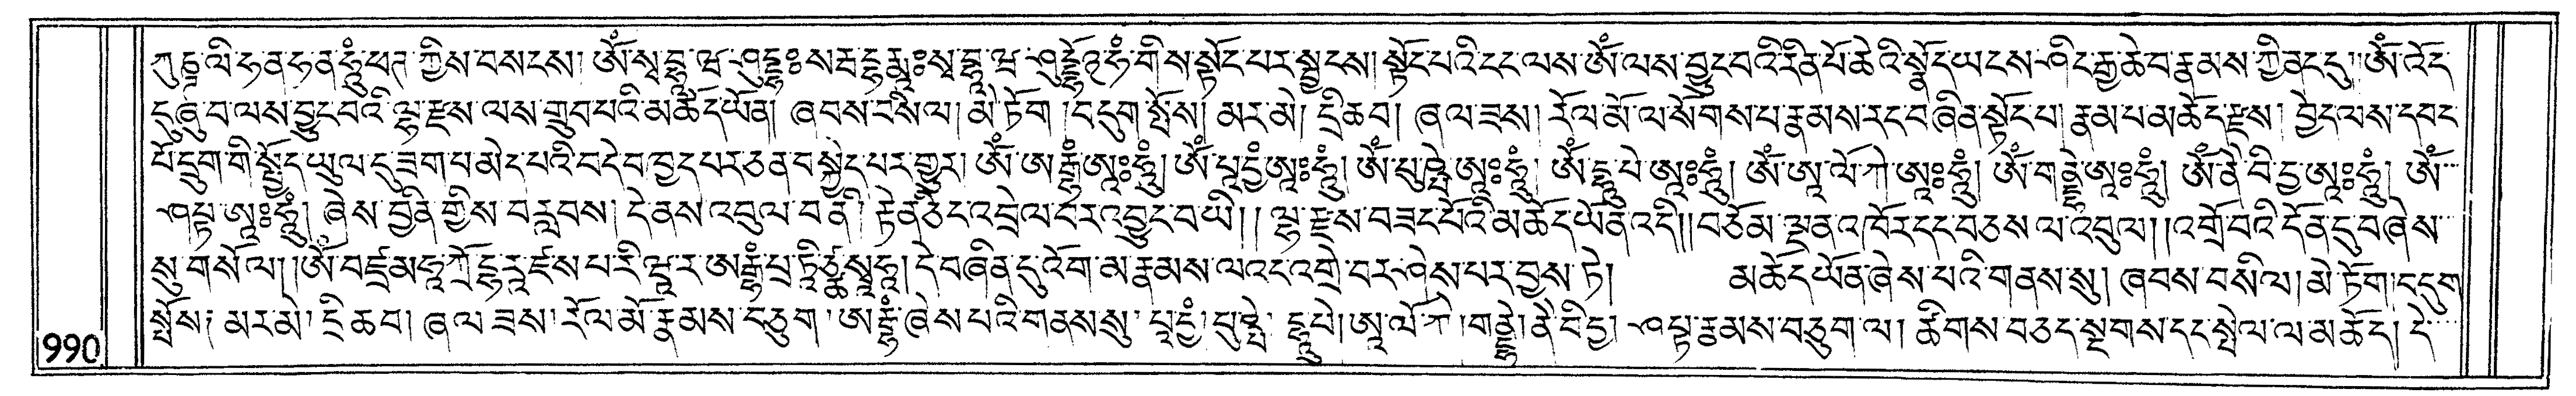ཀུཎྜ་ལི་ཧ་ན་ཧ་ན་ཧཱུཾ་ཕཊ་ཀྱིས་བསངས། ཨོཾ་སྭ་བྷཱ་ཝ་ཤུདྡྷཿ སརྦ་དྷརྨཱཿ སྭ་བྷཱ་ཝ་ཤུདྡྷོ་ཉ་ཧཾ་གིས་སྟོང་པར་སྦྱངས། སྟོང་པའི་ངང་ལས་ཨོཾ་ལས་བྱུང་བའི་རིན་པོ་ཆེའི་སྣོད་ཡངས་ཤིང་རྒྱ་ཆེ་བ་རྣམས་ཀྱི་ནང་དུ། །ཨོཾ་འོད་
དུ་ཞུ་བ་ལས་བྱུང་བའི་ལྷ་རྫས་ལས་གྲུབ་པའི་མཆོད་ཡོན། ཞབས་བསིལ། མེ་ཏོག །བདུག་སྤོས། མར་མེ། དྲི་ཆབ། ཞལ་ཟས། རོལ་མོ་ལ་སོགས་པ་རྣམས་རང་བཞིན་སྟོང་པ། རྣམ་པ་མཆོད་རྫས། བྱེད་ལས་དབང་
པོ་དྲུག་གི་སྤྱོད་ཡུལ་དུ་ཟག་པ་མེད་པའི་བདེ་བ་ཁྱད་པར་ཅན་བསྐྱེད་པར་གྱུར། ཨོཾ་ཨརྒྷཾ་ཨཱཿ ཧཱུཾ། ཨོཾ་པཱ་དྱཾ་ཨཱཿ ཧཱུཾ། ཨོཾ་པུ་ཥྤེ་ཨཱཿ ཧཱུཾ། ཨོཾ་དྷཱུ་པེ་ཨཱཿ ཧཱུཾ། ཨོཾ་ཨཱ་ལོ་ཀེ་ཨཱཿ ཧཱུཾ། ཨོཾ་གནྡྷེ་ཨཱཿ ཧཱུཾ། ཨོཾ་ནཻ་བི་དྱ་ཨཱཿ ཧཱུཾ། ཨོཾ་
ཤཔྟ་ཨཱཿ ཧཱུཾ། ཞེས་བྱིན་གྱིས་བརླབས། དེ་ནས་འབུལ་བ་ནི། རྟེན་ཅིང་འབྲེལ་བར་འབྱུང་བ་ཡི། །ལྷ་རྫས་བཟང་པོའི་མཆོད་ཡོན་འདི། །བཅོམ་ལྡན་འཁོར་དང་བཅས་ལ་འབུལ། །འགྲོ་བའི་དོན་དུ་བཞེས་
སུ་གསོལ། །ཨོཾ་བཛྲ་མཧཱ་ཀྲོ་དྷ་རཱ་ཛ་ས་པ་རི་ཝཱ་ར་ཨརྒྷཾ་པྲ་ཏཱི་ཙྪ་སྭཱཧཱ། དེ་བཞིན་དུ་འོག་མ་རྣམས་ལའང་འགྲེ་བར་ཤེས་པར་བྱས་ཏེ། མཆོད་ཡོན་ཞེས་པའི་གནས་སུ། ཞབས་བསིལ། མེ་ཏོག །བདུག་
སྤོས། མར་མེ། དྲི་ཆབ། ཞལ་ཟས། རོལ་མོ་རྣམས་བཅུག །ཨརྒྷཾ་ཞེས་པའི་གནས་སུ། པཱ་དྱཾ་པུ་ཥྤེ། དྷཱུ་པེ། ཨཱ་ལོ་ཀེ །གནྡྷེ། ནཻ་བིདྱ། ཤཔྟ་རྣམས་བཅུག་ལ། ཚིགས་བཅད་སྔགས་དང་སྤེལ་ལ་མཆོད། དེ་